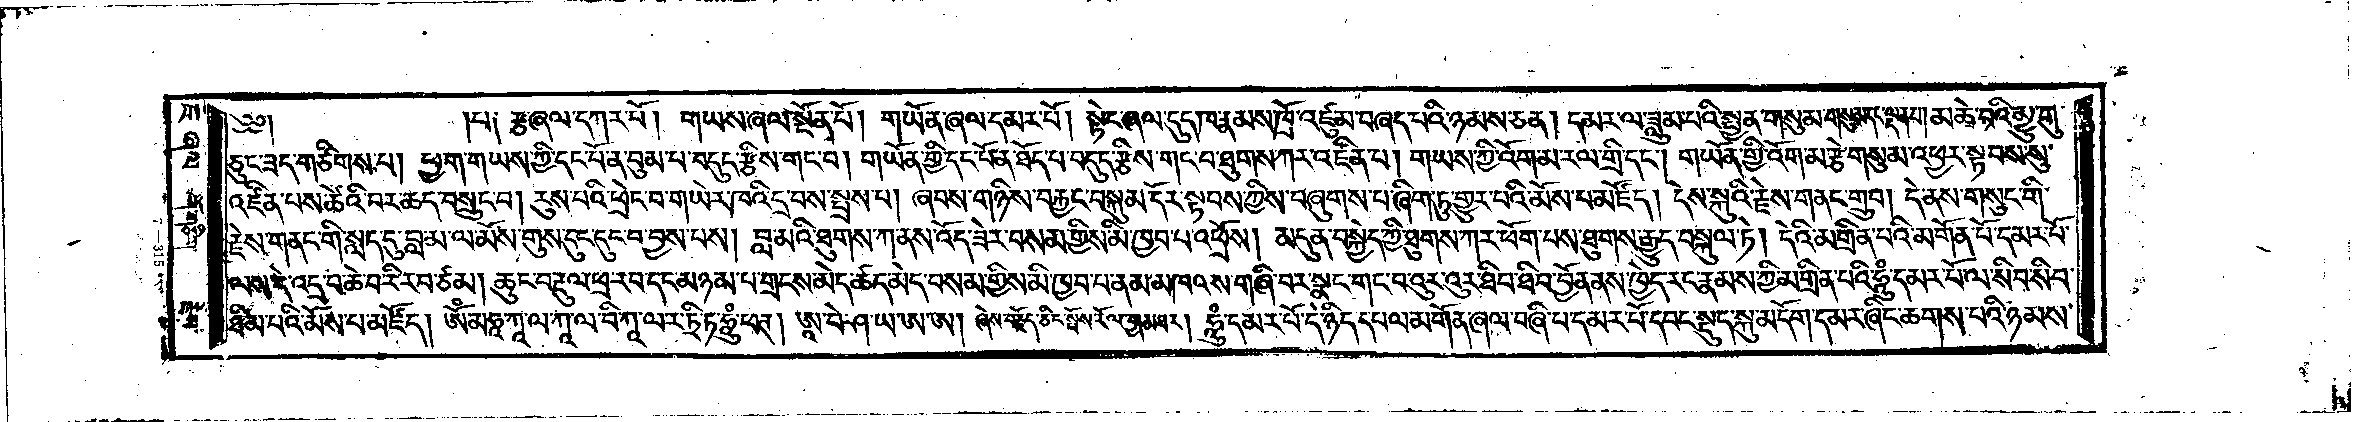༄༅། །པ༑ རྩ་ཞལ་དཀར་པོ། གཡས་ཞལ་སྔོན་པོ། གཡོན་ཞལ་དམར་པོ། སྟེང་ཞལ་དུད་ཁ་རྣམས་ཁྲོ་འཛུམ་བཞད་པའི་ཉམས་ཅན། དམར་ལ་ཟླུམ་པའི་སྤྱན་གསུམ་གསུམ་དང་ལྡན་བ། མཆེ་བའི་མྱུ་གུ་
ཅུང་ཟད་གཙིགས་པ། ཕྱག་གཡས་ཀྱི་དང་བོ་ན་བུམ་པ་བདུད་རྩིས་གང་བ། གཡོན་གྱི་དང་པོ་ན་ཐོད་པ་བདུད་རྩིས་གང་པ་ཐུགས་ཀར་འཛིན་པ། གཡས་ཀྱི་འོག་མ་རལ་གྲི་དང་། གཡོན་གྱི་འོག་མ་རྩེ་གསུམ་འཕྱར་སྟབས་སུ་
འཛིན་པས་ཚེའི་བར་ཆད་བསྲུང་བ། རུས་པའི་ཕྲེང་བ་གཡེར་ཁའི་དྲ་བས་སྤྲས་བ། ཞབས་གཉིས་བརྐྱང་བསྐུམ་དོར་སྟབས་ཀྱིས་བཞུགས་པ་ཞིག་ཏུ་གྱུར་པའི་མོས་པ་མཛོད། དེས་སྐུའི་རྗེས་གནང་གྲུབ། དེ་ནས་གསུམ་གི་
རྗེས་གནང་གི་སླད་དུ་བླ་མ་ལ་མོས་གུས་དུང་དུང་པ་བྱས་པས། བླ་མའི་ཐུགས་ཀ་ནས་འོད་ཟེར་བསམ་གྱིས་མི་ཁྱབ་པ་འཕྲོས། མདུན་བསྐྱེད་ཀྱི་ཐུགས་ཀར་ཕོག་པས་ཐུགས་རྒྱུད་བསྐུལ་ཏེ། དེའི་མགྲིན་པའི་མགོན་པོ་དམར་པོ་
ལས་དེ་འདྲ་བ་ཆེ་བ་རི་རབ་ཙམ། ཆུང་བརྡུལ་ཕྲ་རབ་དང་མཉམ་པ་གྲངས་མེད་ཚད་མེད་བསམ་གྱིས་མི་ཁྱབ་པ་ནམ་མཁའ་ས་གཞི་བར་སྣང་གང་པ་འུར་འུར་ཐིབ་ཐིབ་བྱོན་ནས་ཁྱེད་རང་རྣམས་ཀྱི་མགྲིན་པའི་ཧཱུཾ་དམར་པོ་ལ་སིབ་སིབ་
ཐིམ་པའི་མོས་པ་མཛོད། ཨོཾ་མཧཱ་ཀཱ་ལ་ཀཱ་ལ་པི་ཀཱ་ལ་ར་ཏྲི་ཏ་ཧཱུཾ་ཕཊ། ཨཱ་བེ་ཤ་ཡ་ཨ་ཨ། ཞེས་བརྗོད་ཅིང་སྤོས་རོལ་བྱ་མཐར། ཧཱུཾ་དམར་པོ་དེ་ཉིད་དཔལ་མགོན་ཞལ་བཞི་པ་དམར་པོ་དབང་སྡུད་སྐུ་མདོག་དམར་ཞིང་ཆགས་པའི་ཉམས་